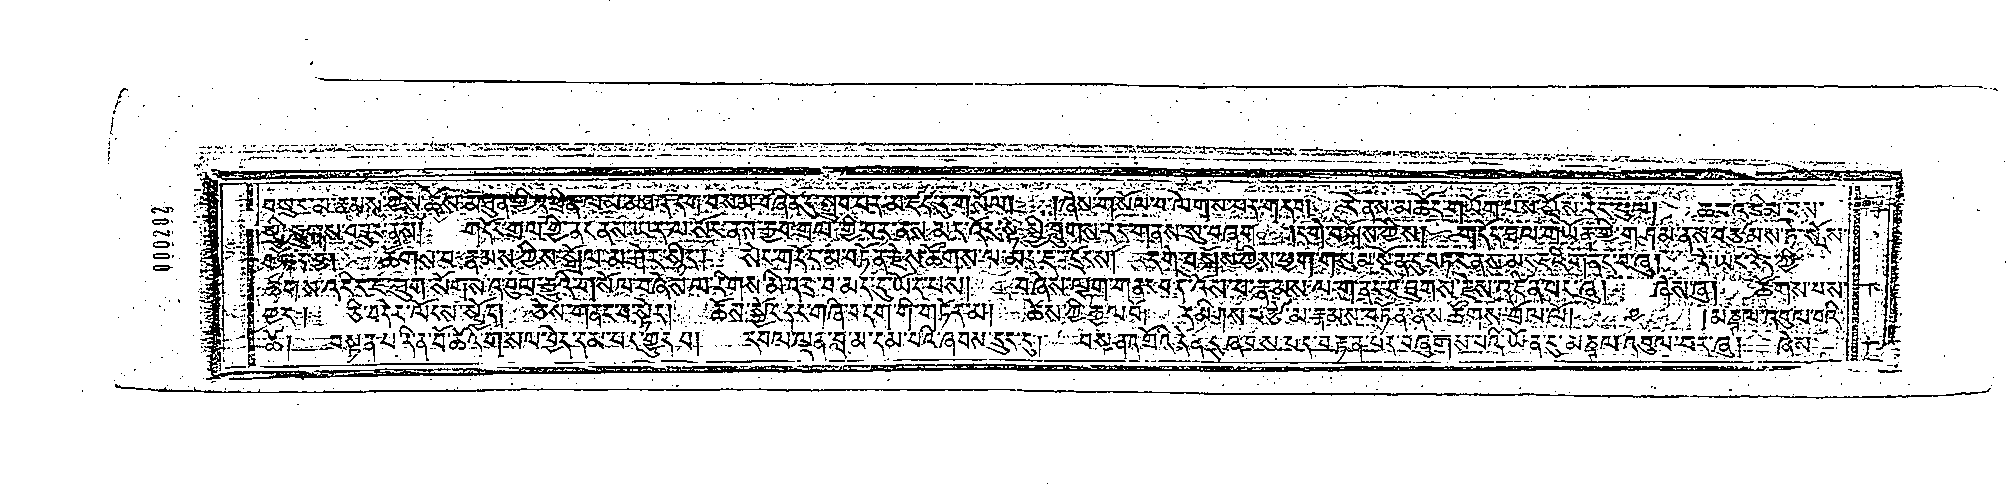བསྲུང་མ་རྣམས་ཀྱིས་ཆོས་མཐུན་གྱི་འཕྲིན་ལས་མཐའ་དག་བསམ་བཞིན་དུ་སྒྲུབ་པར་མཛད་དུ་གསོལ། །ཞེས་གསོལ་བ་ལེགས་པར་གདབ། དེ་ནས་མཆོད་གཡོག་པས་སྤོས་རེང་ཕུལ། ཆབ་འབྲིམ་པས་
སྤྱི་བླུགས་བཟུང་ནས། གདོང་གྲལ་གྱི་ནང་ནས་ཡར་ལ་སོང་ནས་རྒྱབ་གྲལ་གྱི་བར་ནས་མང་འོང་སྟེ་སྤྱི་བླུགས་རང་གནས་སུ་བཞག །དགེ་བསྐོས་ཀྱིས། གདོང་ཐལ་གཡོན་གྱི་གཤམ་ནས་བརྩམས་ཏེ་སྤོས་
བསྐོར་བྱ། ཚོགས་བ་རྣམས་ཀྱིས་སྒྲོལ་མ་ཤེར་སྙིང་། སེང་གདོང་མ་བཏོན་རྗེས་ཚོགས་ལ་མང་ཇ་དྲོངས། དགེ་བསྐོས་ཀྱིས་ཕྱག་གསུམ་སྔོན་དུ་བཏང་ནས་མང་ཇའི་གནང་བ་ཞུ། དེ་ཡང་དེད་ཀྱི་
ཚོགས་འདིར་ཇ་ཐུག་སོགས་འབུལ་རྒྱུའི་གསོལ་བཞེས་ལ་རིགས་མི་འདྲ་བ་མང་དུ་ཡོད་པས། བཞེས་ལྷག་གནང་བར་འོས་པ་རྣམས་ལ་གནང་བ་ཐུགས་རྗེས་འཛིན་པར་ཞུ། ཞེས་ཞུ། ཚོགས་པས་
ཀྱང་། ཅི་བདེར་ལོངས་སྤྱོར། ཅེས་གནང་བ་སྟེར། ཆོས་སྐྱོང་དང་གཞི་བདག་གི་གཏོར་མ། ཆོས་ཀྱི་རྒྱལ་བོ། དམིགས་བརྩེམ་རྣམས་བཏོན་ནས་ཚོགས་གྲོལ་ལོ། ༧་།མཎྜལ་འབུལ་བའི་
ཚེ། བསྟན་པ་རིན་པོ་ཚེའི་གསལ་བྱེད་དམ་པར་གྱུར་པ། དཔལ་ལྡན་བླ་མ་དམ་པའི་ཞབས་དྲུང་དུ། བསྟན་འགྲོའི་དོན་དུ་ཞབས་པར་བརྟན་པར་བཞུགས་པའི་ཡོན་དུ་མཎྜལ་འབུལ་བར་ཞུ། ཞེས་